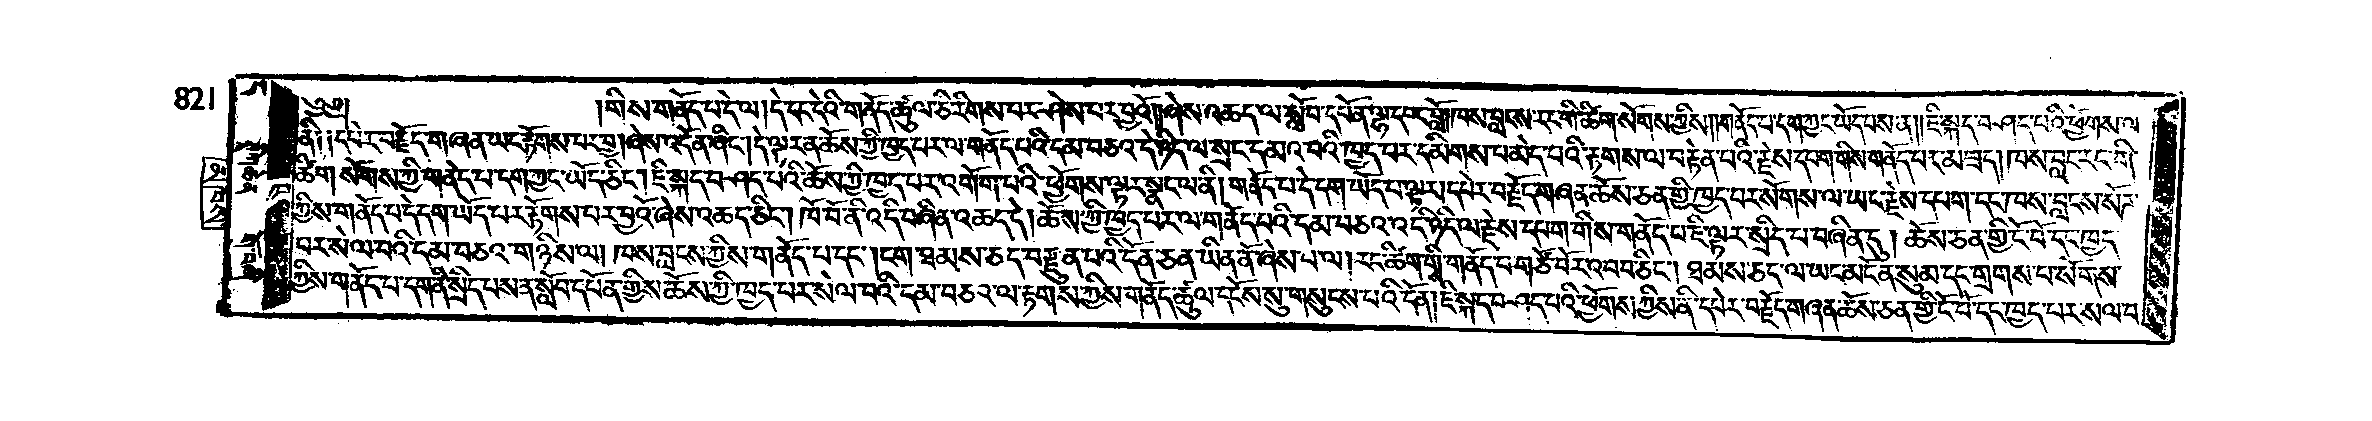༄༅། །གིས་གནོད་པ་དེ་ལ། དེ་དང་དེའི་གནོད་ཚུལ་ཅི་རིགས་པར་ཤེས་པར་བྱའོ། །ཞེས་འཆད་ལ་སློབ་དཔོན་ལྷ་དབང་བློ། ཁས་བླངས་རང་གི་ཚིག་སོགས་ཀྱིས། །གནོད་པ་དག་ཀྱང་ཡོད་པས་ན། །ཇི་སྐད་བཤད་པའི་ཕྱོགས་ལ་
ནི། །དཔེར་བརྗོད་གཞན་ཡང་རྟོགས་པར་བྱ། ཞེས་འདོན་ཞིང་། དེ་ལྟར་ན་ཆོས་ཀྱི་ཁྱད་པར་ལ་གནོད་པའི་དམ་བཅའ་དེ་ཉིད་ལ་སྲང་དམའ་བའི་ཁྱད་པར་དམིགས་པ་མེད་པའི་རྟགས་ལ་བརྟེན་པའི་རྗེས་དཔག་གིས་གནོད་པར་མ་ཟད། ཁས་བླང་རང་གི་
ཚིག་སོགས་ཀྱི་གནོད་པ་དག་ཀྱང་ཡོད་ཅིང་། ཇི་སྐད་བཤད་པའི་ཆོས་ཀྱི་ཁྱད་པར་འགོག་པའི་ཕྱོགས་ལྟར་སྣང་ལ་ནི། གནོད་པ་དེ་དག་ཡོད་པ་ལྟར། དཔེར་བརྗོད་གཞན་ཆོས་ཅན་གྱི་ཁྱད་པར་སོགས་ལ་ཡང་རྗེས་དཔག་དང་ཁས་བླངས་སོགས་
ཀྱིས་གནོད་པ་དེ་དག་ཡོད་པར་རྟོགས་པར་བྱའོ་ཞེས་འཆད་ཅིང་། ཁོ་བོ་ནི་འདི་བཞིན་འཆད་དེ། ཆོས་ཀྱི་ཁྱད་པར་ལ་གནོད་པའི་དམ་བཅའ་འདི་ཉིད་ལ་རྗེས་དཔག་གིས་གནོད་པ་ཇི་ལྟར་སྲིད་པ་བཞིན་དུ། ཆོས་ཅན་གྱི་ངོ་བོ་དང་ཁྱད་
པར་སེལ་བའི་དམ་བཅའ་གཉིས་ལ། ཁས་བླངས་ཀྱིས་གནོད་པ་དང་། ངག་ཐམས་ཅད་བརྫུན་པའི་དོན་ཅན་ཡིན་ནོ་ཞེས་པ་ལ། རང་ཚིག་གིས་གནོད་པ་གཙོ་བོར་འབབ་ཅིང་། ཐམས་ཅད་ལ་ཡང་མངོན་སུམ་དང་གྲགས་པ་སོགས་
ཀྱིས་གནོད་པ་དག་ནི་སྲིད་པས་ན་སློབ་དཔོན་གྱིས་ཆོས་ཀྱི་ཁྱད་པར་སེལ་བའི་དམ་བཅའ་ལ་རྟགས་ཀྱིས་གནོད་ཚུལ་དངོས་སུ་གསུངས་པའི་དོན། ཇི་སྐད་བཤད་པའི་ཕྱོགས་ཀྱིས་ནི་དཔེར་བརྗོད་གཞན་ཆོས་ཅན་གྱི་ངོ་བོ་དང་ཁྱད་པར་སལ་བ་